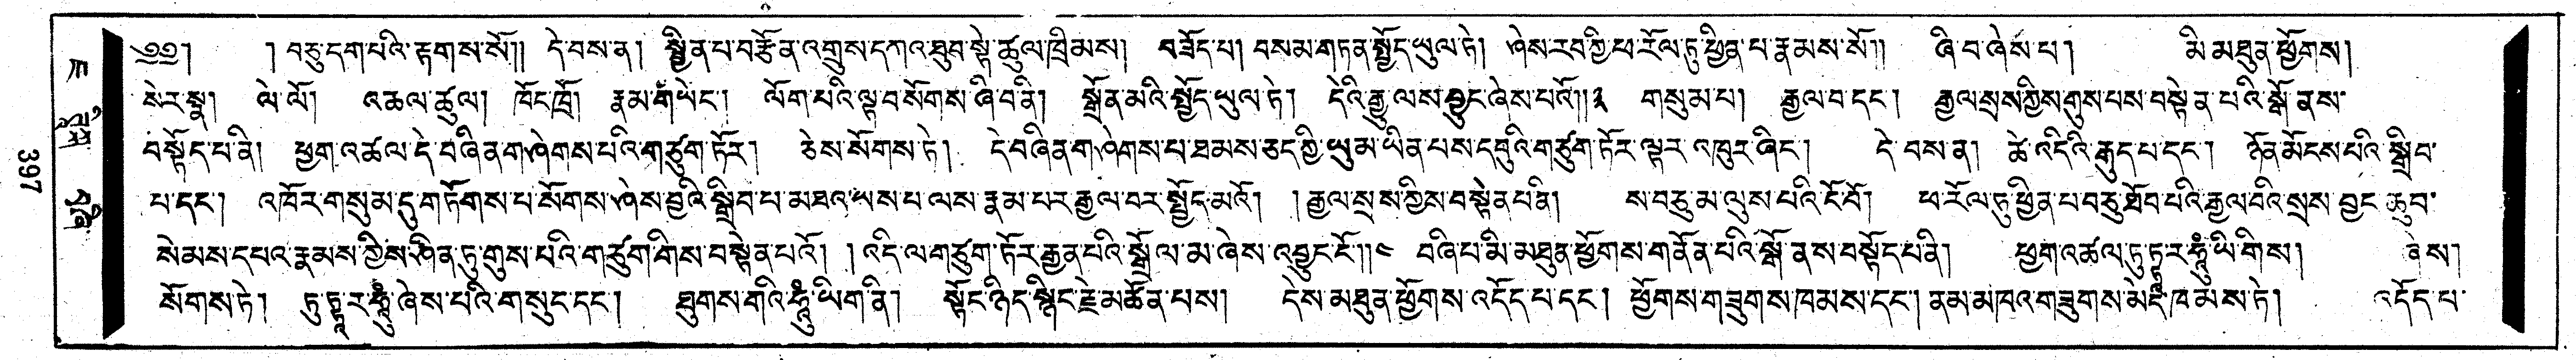༄༅། །བཅུ་དག་པའི་རྟགས་སོ།། དེ་བས་ན། སྦྱིན་པ་བརྩོན་འགྲུས་དཀའ་ཐུབ་སྟེ་ཚུལ་ཁྲིམས། བཟོད་པ། བསམ་གཏན་སྤྱོད་ཡུལ་ཏེ། ཤེས་རབ་ཀྱི་ཕ་རོལ་ཏུ་ཕྱིན་པ་རྣམས་སོ།། ཞི་བ་ཞེས་པ། མི་མཐུན་ཕྱོགས།
སེར་སྣ། ལེ་ལོ། འཆལ་ཚུལ། ཁོང་ཁྲོ། རྣམ་གཡེང་། ལོག་པའི་ལྟ་བ་སོགས་ཞི་བ་ནི། སྒྲོན་མའི་སྤྱོད་ཡུལ་ཏེ། དེའི་རྒྱུ་ལས་བྱུང་ཞེས་པའོ།། ༣་གསུམ་པ། རྒྱལ་བ་དང་། རྒྱལ་སྲས་ཀྱིས་གུས་པས་བསྟེན་པའི་སྒོ་ནས་
བསྟོད་པ་ནི། ཕྱག་འཚལ་དེ་བཞིན་གཤེགས་པའི་གཙུག་ཏོར། ཅེས་སོགས་ཏེ། དེ་བཞིན་གཤེགས་པ་ཐམས་ཅད་ཀྱི་ཡུམ་ཡིན་པས་དབུའི་གཙུག་ཏོར་ལྟར་འཁུར་ཞིང་། དེ་བས་ན། ཚེ་འདིའི་རྒུད་པ་དང་། ཉོན་མོངས་པའི་སྒྲིབ་
པ་དང་། འཁོར་གསུམ་དུ་གཏོགས་པ་སོགས་ཤེས་བྱའི་སྒྲིབ་པ་མཐའ་ཡས་པ་ལས་རྣམ་པར་རྒྱལ་བར་སྤྱོད་མའོ། །རྒྱལ་སྲས་ཀྱིས་བསྟེན་པ་ནི། ས་བཅུ་མ་ལུས་པའི་ངོ་བོ། ཕ་རོལ་ཏུ་ཕྱིན་པ་བཅུ་ཐོབ་པའི་རྒྱལ་བའི་སྲས་བྱང་ཆུབ་
སེམས་དཔའ་རྣམས་ཀྱིས་ཤིན་ཏུ་གུས་པའི་གཙུག་གིས་བསྟེན་པའོ། །འདི་ལ་གཙུག་ཏོར་རྒྱན་པའི་སྒྲོལ་མ་ཞེས་འབྱུང་ངོ།། ༤་བཞི་པ་མི་མཐུན་ཕྱོགས་གནོན་པའི་སྒོ་ནས་བསྟོད་པ་ནི། ཕྱག་འཚལ་ཏུ་ཏྟཱ་ར་ཧཱུཾ་ཡི་གིས། ཞེས།
སོགས་ཏེ། ཏུ་ཏྟཱ་ར་ཧཱུཾ་ཞེས་པའི་གསུང་དང་། ཐུགས་གའི་ཧཱུཾ་ཡིག་ནི། སྟོང་ཉིད་སྙིང་རྗེ་མཚོན་པས། དེས་མཐུན་ཕྱོགས་འདོད་པ་དང་། ཕྱོགས་གཟུགས་ཁམས་དང་། ནམ་མཁའ་གཟུགས་མེད་ཁམས་ཏེ། འདོད་པ་